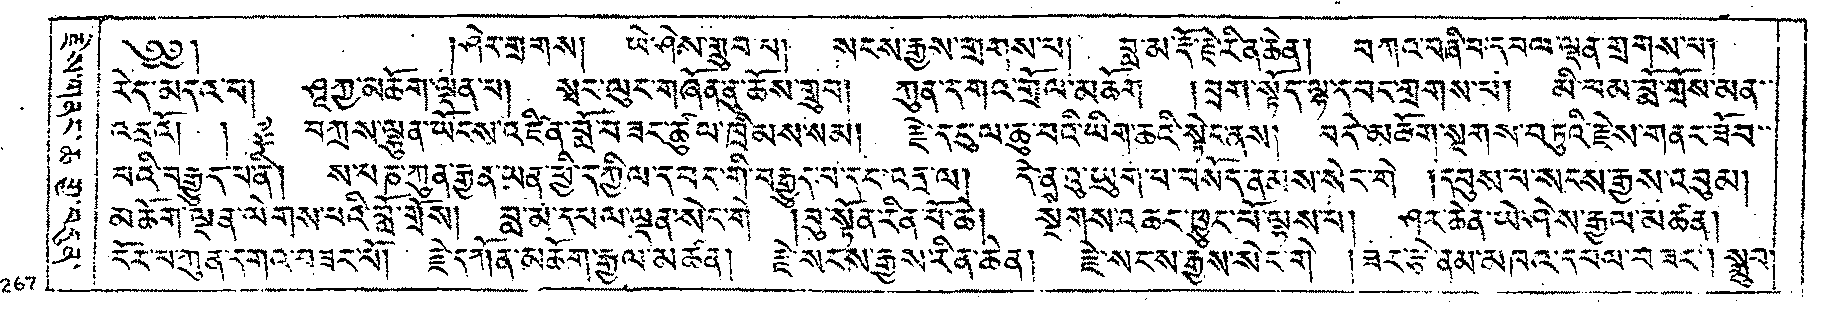༄༅། །ཤེར་གྲགས། ཡེ་ཤེས་གྲུབ་པ། སངས་རྒྱས་གྲགས་པ། བླ་མ་རྡོ་རྗེ་རིན་ཆེན། བཀའ་བཞི་པ་དཔལ་ལྡན་གྲགས་པ།
རེད་མདའ་བ། ཤཱཀྱ་མཆོག་ལྡན་པ། སྤང་ལུང་གཞོན་ནུ་ཆོས་གྲུབ། ཀུན་དགའ་འགྲོལ་མཆོག །བྲག་སྟོད་ལྷ་དབང་གྲགས་པ། མི་ཕམ་བློ་གྲོས་མན་
འདྲའོ། །༈ བཀྲས་ལྷུན་ཡོངས་འཛིན་བློ་བཟང་ཚུལ་ཁྲིམས་སམ། རྗེ་དངུལ་ཆུ་བའི་ཡིག་ཆའི་སྟེང་ནས། བདེ་མཆོག་སྔགས་བཏུའི་རྗེས་གནང་ཐོབ་
པའི་བརྒྱུད་པ་ནི། ས་པཎ་ཀུན་རྒྱན་ཡན་ཕྱི་དཀྱིལ་དབང་གི་བརྒྱུད་པ་དང་འདྲ་ལ། དེ་ནས་འུ་ཡུག་པ་བསོད་ནམས་སེང་གེ །དབུས་པ་སངས་རྒྱས་འབུམ།
མཆོག་ལྡན་ལེགས་པའི་བློ་གྲོས། བླ་མ་དཔལ་ལྡན་སེང་གེ །བུ་སྟོན་རིན་པོ་ཆེ། སྔགས་འཆང་ཁྱུང་པོ་ལྷས་པ། ཤར་ཆེན་ཡེ་ཤེས་རྒྱལ་མཚན།
ངོར་པ་ཀུན་དགའ་བཟང་པོ། རྗེ་དཀོན་མཆོག་རྒྱལ་མཚན། རྗེ་སངས་རྒྱས་རིན་ཆེན། རྗེ་སངས་རྒྱས་སེང་གེ །ཐར་རྩེ་ནམ་མཁའ་དཔལ་བཟང་། སྒྲུབ་